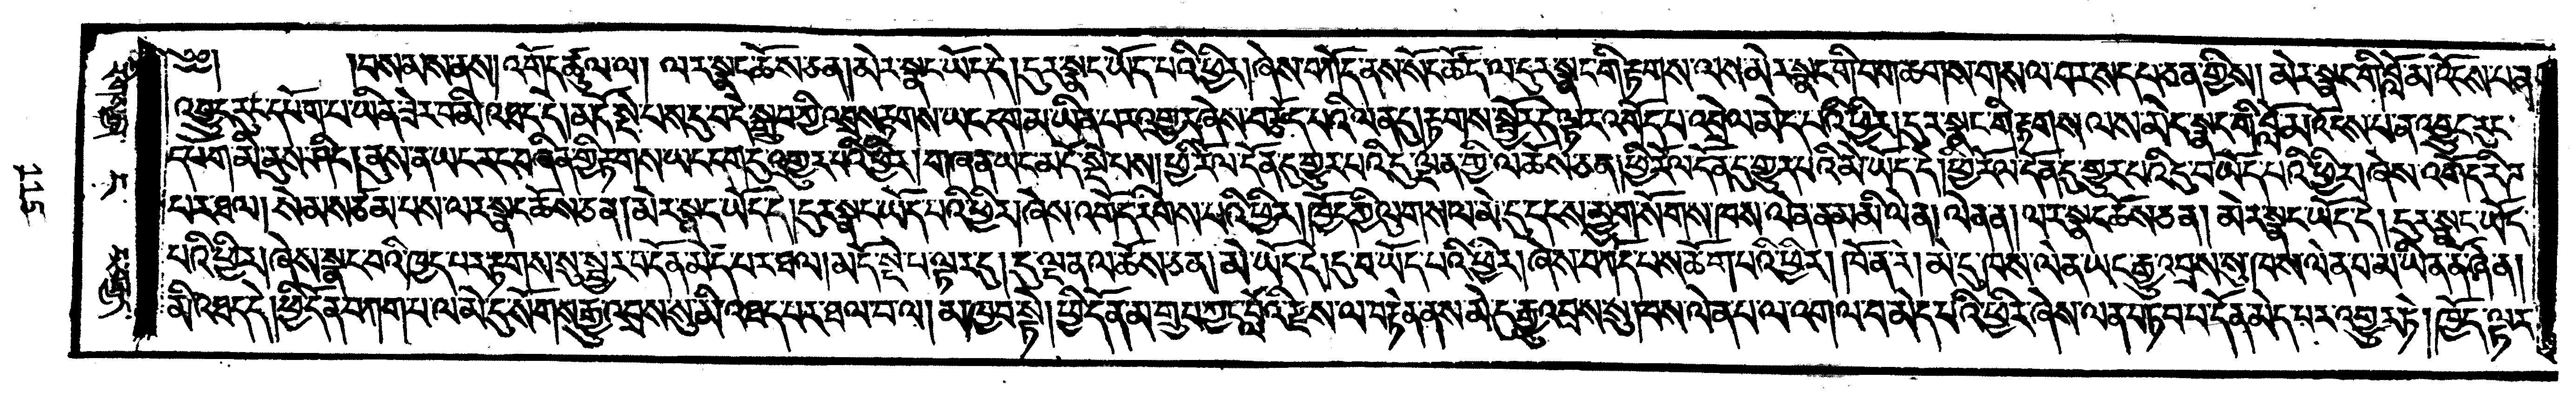༄༅། །བསམས་ནས། འགོད་ཚུལ་ལ། ལར་སྣང་ཆོས་ཅན། མེར་སྣང་ཡོད་དེ། དུར་སྣང་ཡོད་པའི་ཕྱིར། ཞེས་བཀོད་ནས་སོང་ཚོད་ལ་དུར་སྣང་གི་རྟགས་ལས་མེར་སྣང་གི་བག་ཆགས་གསལ་བར་སད་པ་ཅན་གྱིས། མེར་སྣང་གི་བློ་མ་འོངས་པ་ན་
འབྱུང་རུང་དཔོག་པ་ཡིན་ཟེར་བ་མི་འཐད་དེ། མདོ་སྡེ་པས་དུ་བ་དེ་སྒྲུབ་ཀྱི་འབྲས་རྟགས་ཡང་དག་མ་ཡིན་པར་འགྱུར་ཞེས་བརྩོད་པའི་ལན་དུ། རྟགས་སྦྱོར་དེ་ལྟར་འགོད་པ་འབྲེལ་མེད་པའི་ཕྱིར། དུར་སྣང་གི་རྟགས་ལས་མེར་སྣང་གི་བློ་མ་འོངས་པ་ན་འབྱུང་རུང་
དཔོག་མི་ནུས་ཤིང་། ནུས་ན་ཡང་རང་བཞིན་གྱི་རྟགས་ཡང་དག་དུ་འགྱུར་པའི་ཕྱིར། གཞན་ཡང་མདོ་སྡེ་པས། ཕྱི་རོལ་དོན་དུ་གྱུར་པའི་དུ་ལྡན་གྱི་ལ་ཆོས་ཅན། ཕྱི་རོལ་དོན་དུ་གྱུར་པའི་མེ་ཡོད་དེ། ཕྱི་རོལ་དོན་དུ་གྱུར་པའི་དུ་བ་ཡོད་པའི་ཕྱིར། ཞེས་འགོད་རིཌ་
པར་ཐལ། སེམས་ཙམ་པས་ལར་སྣང་ཆོས་ཅན། མེར་སྣང་ཡོད་དེ། དུར་སྣང་ཡོད་པའི་ཕྱིར། ཞེས་འགོད་རིགས་པའི་ཕྱིར། ཁྱོད་ཀྱི་ལུགས་ལ་མེ་དུ་དང་ས་མྱུག་སོགས་ཁས་ལེན་ནམ་མི་ལེན། ལེན་ན། ལར་སྣང་ཆོས་ཅན། མེར་སྣང་ཡོད་དེ། དུར་སྣང་ཡོད་
པའི་ཕྱིར། ཞེས་སྣང་བའི་ཁྱད་པར་རྟགས་སུ་སྦྱར་བ་དོན་མེད་པར་ཐལ། མདོ་སྡེ་པ་ལྟར་དུ། དུ་ལྡན་ལ་ཆོས་ཅན། མེ་ཡོད་དེ། དུ་བ་ཡོད་པའི་ཕྱིར། ཞེས་བཀོད་པས་ཆོག་པའི་ཕྱིར། ཁོ་ན་རེ། མེ་དུ་ཁས་ལེན་ཡང་རྒྱུ་འབྲས་སུ་ཁས་ལེན་པ་མ་ཡིན་ནོ་ཞེ་ན།
མི་འཐད་དེ། ཕྱི་དོན་བཀག་པ་ལ་མེ་དུ་སོགས་རྒྱུ་འབྲས་སུ་མི་འཐད་པར་ཐལ་བ་ལ། མ་ཁྱབ་སྟེ། ཕྱི་དོན་མ་གྲུབ་ཀྱང་བློའི་རྫས་ལ་བརྟེན་ནས་མེ་དུ་རྒྱུ་འབྲས་སུ་ཁས་ལེན་པ་ལ་འགལ་བ་མེད་པའི་ཕྱིར་ཞེས་ལན་བཏབ་པ་དོན་མེད་པར་འགྱུར་ཏེ། ཁྱོད་ལྟར་